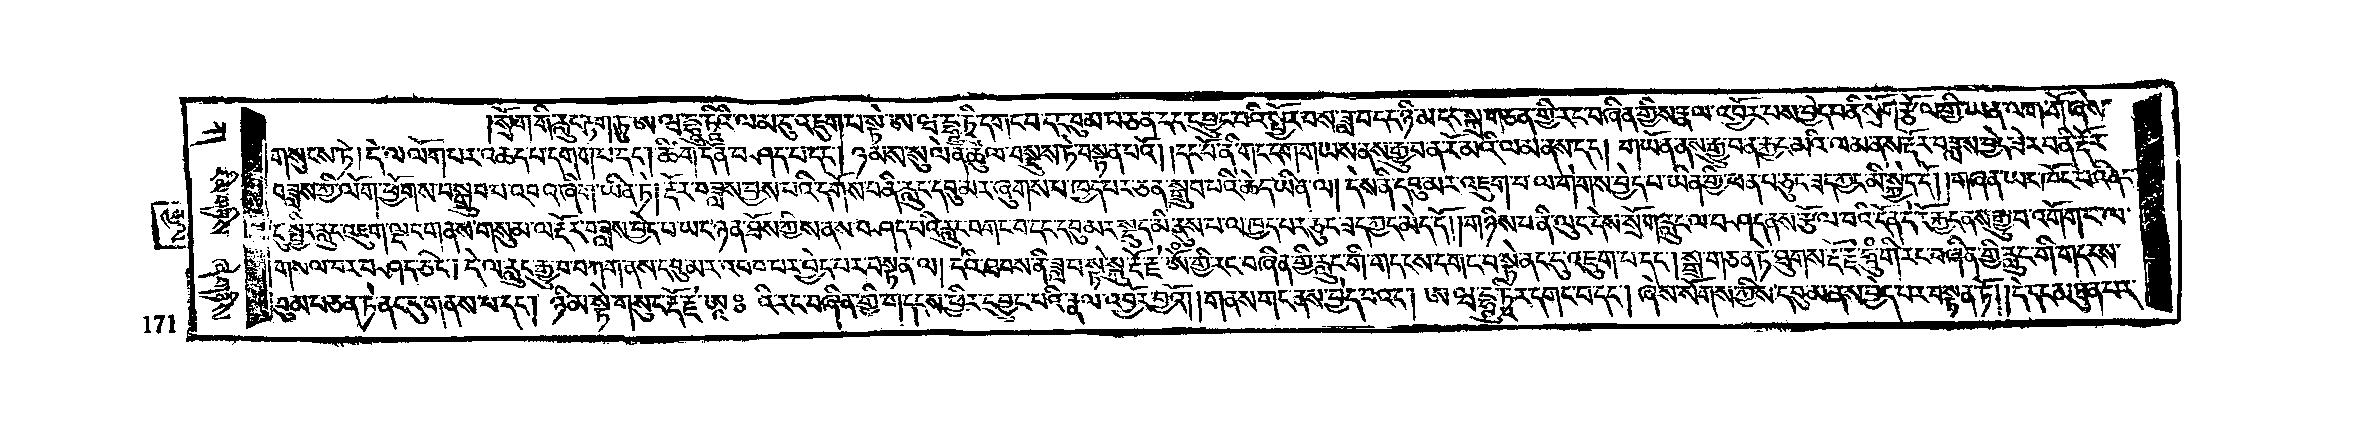༄༅། །སྲོག་གི་རླུང་རྟག་ཏུ་ཨ་ཝ་དྷཱུ་ཏཱིའི་ལམ་དུ་འཇུག་པ་སྟེ་ཨ་ཝ་དྷཱུ་ཏྲི་དགང་བ་དང་བུམ་པ་ཅན་དང་དབྱུང་བའི་སྦྱོར་བས་ཟླ་བ་དང་ཉི་མ་དང་སྐྲ་གཅན་གྱི་རང་བཞིན་གྱིས་རྣལ་འབྱོར་པས་བྱེད་པ་ནི་སྲོག་རྩོལ་གྱི་ཡན་ལག་གོ་ཞེས་
གསུངས་ཏེ། དེ་ལ་ལོག་པར་འཆད་པ་དགག་པ་དང་། ཚིག་དོན་བཤད་པ་དང་། ཉམས་སུ་ལེན་ཚུལ་བསྡུས་ཏེ་བསྟན་པའོ། །དང་པོ་ནི་གང་དག་གཡས་ནས་རྒྱུ་བ་ན་རོ་མའི་ལམ་ནས་དང་། གཡོན་ནས་རྒྱུ་བ་ན་རྐྱང་མའི་ལམ་ནས་རྡོར་བཟླས་བྱེད་ཟེར་བ་ནི་རྡོར་
བཟླས་ཀྱི་ལོག་ཕྱོགས་བསྒྲུབ་པ་འབའ་ཞིག་ཡིན་ཏེ། རྡོར་བཟླས་བྱས་པའི་དགོས་པ་ནི་རླུང་དབུ་མར་ཞུགས་པ་ཁྱད་པར་ཅན་སྒྲུབ་པའི་ཆེད་ཡིན་ལ། དེས་ནི་དབུ་མར་འཇུག་པ་ལ་གེགས་བྱེད་པ་ཡིན་གྱི་ཕན་པ་ཅུང་ཟད་ཀྱང་མི་སྐྱེད་དོ། །གཞན་ཡང་ཁོང་བའི་ནང་
དུ་སྤྱིར་རླུང་འཇུག་ལྡང་གནས་གསུམ་ལ་རྡོར་བཟླས་བྱེད་པ་ཡང་ཉན་ཐོས་ཀྱི་ས་ནས་བཤད་པའི་རླུང་བ་གང་བ་དང་དབུ་མར་སྡུད་མི་ནུས་པ་ལ་ཁྱད་པར་ཅུང་ཟད་ཀྱང་མེད་དོ། །གཉིས་པ་ནི་ལུང་དེས་སྲོག་རླུང་ལ་བཤད་ནས་རྩོལ་བའི་དོན་དེ་རོ་རྐྱང་ནས་རྒྱུ་བ་འགོ་གང་ལ་
གསལ་བར་བཤད་ཅིང་། དེ་ལ་རླུང་རྒྱུ་བ་བཀག་ནས་དབུ་མར་འབབ་པར་བྱེད་པར་བསྟན་ལ། དེའི་ཐབས་ནི་ཟླ་བ་སྟེ་སྐུ་རྡོ་རྗེ་ཨོཾ་གྱི་རང་བཞིན་གྱི་རླུང་གི་གདངས་དགང་བ་སྟེ་ནང་དུ་འཇུག་པ་དང་། སྒྲ་གཅན་ཏེ་ཐུགས་རྡོ་རྗེ་ཧཱུཾ་གི་རང་བཞིན་གྱི་རླུང་གི་གདངས་
བུམ་པ་ཅན་ཏེ་ནང་དུ་གནས་པ་དང་། ཉི་མ་སྟེ་གསུང་རྡོ་རྗེ་ཨཱཿ འི་རང་བཞིན་གྱི་གདངས་ཕྱིར་དབྱུང་བའི་རྣལ་འབྱོར་བྱའོ། །གནས་གང་ནས་བྱེད་པའང་། ཨ་ཝ་དྷཱུ་ཏཱིར་དགང་བ་དང་། ཞེས་སོགས་ཀྱིས་དབུ་མ་ནས་བྱེད་པར་བསྟན་ཏོ། །དེ་དང་མཐུན་པར་